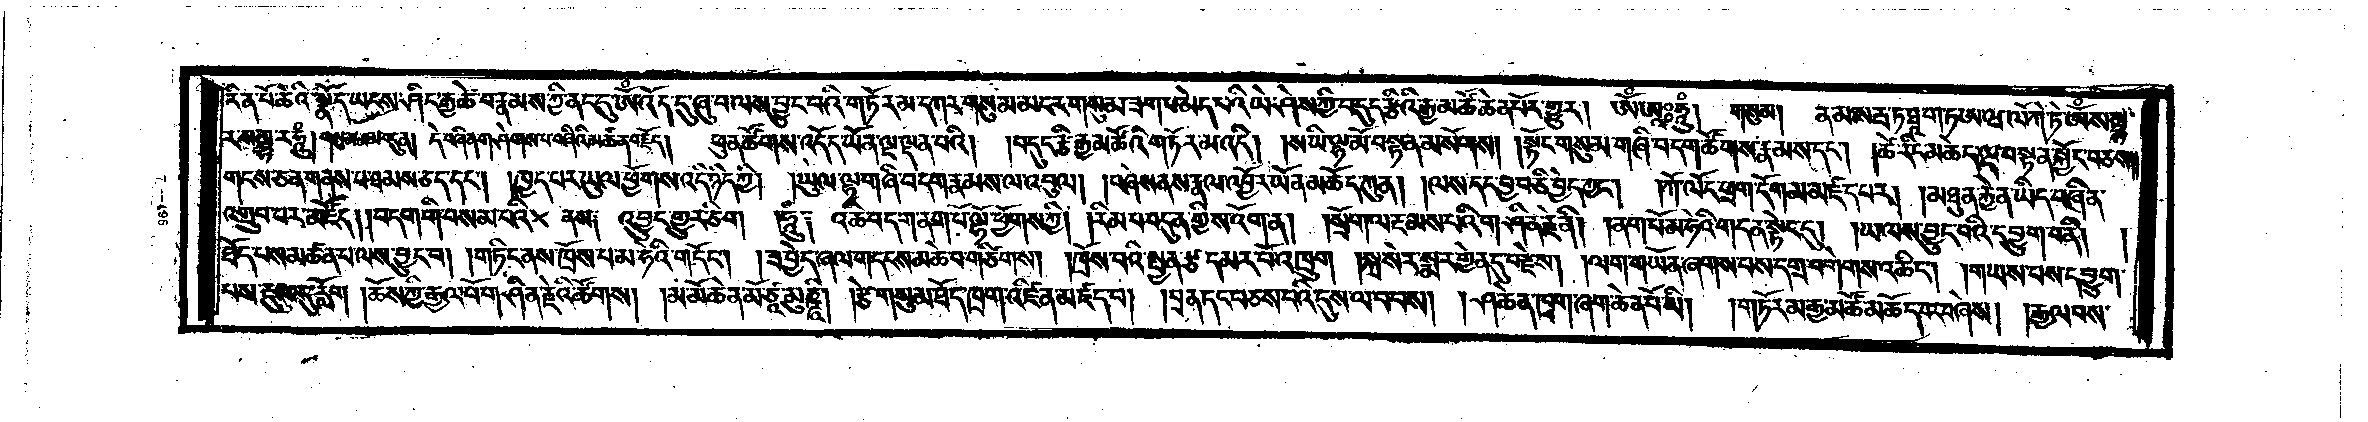རིན་པོ་ཆེའི་སྣོད་ཡངས་ཤིང་རྒྱ་ཆེ་བ་རྣམས་ཀྱི་ནང་དུ་ཨོཾ་འོད་དུ་ཞུ་བ་ལས་བྱུང་བའི་གཏོར་མ་དཀར་གསུམ་མངར་གསུམ་ཟག་པ་མེད་པའི་ཡེ་ཤེས་ཀྱི་བདུད་རྩིའི་རྒྱ་མཚོ་ཆེན་པོར་གྱུར། ཨོཾ་ཨཱཿཧཱུཾ་གསུམ།  ནམཿསརྦ་ཏ་ཐཱ་ག་ཏ་ཨ་ཝ་ལོ་ཀེ་ཏེ་ཨོཾ་སམྦྷ་
རས་མྦྷ་ར་ཧཱུཾ། །མམ་བར་དུམ། དེ་བཞིན་གཤེགས་པ་བཞིའི་མཚན་བརྗོད།  ཕུན་ཚོགས་འདོད་ཡོན་ལྔ་ལྡན་པའི། །བདུད་རྩི་རྒྱ་མཚོའི་གཏོར་མ་འདི། །ས་ཡི་ལྷ་མོ་བསྟན་མ་སོགས། །སྟོང་གསུམ་གཞི་བདག་ཚོགས་རྣམས་དང་། །ཚེ་རིང་མཆེད་ལྔ་བསྟན་སྐྱོང་བཅས། །
གངས་ཅན་གནས་པ་ཐམས་ཅད་དང་། །ཁྱད་པར་ཡུལ་ཕྱོགས་འདི་ཉིད་ཀྱི། །ཡུལ་ལྷ་གཞི་བདག་རྣམས་ལ་འབུལ། །བཞེས་ནས་རྣལ་འབྱོར་ཡོན་མཆོད་ཀུན། །ལས་དང་བྱ་བ་ཅི་བྱེད་ཀྱང་། །ཀོ་ལོང་ཕྲག་དོག་མ་མཛད་པར། །མཐུན་རྐྱེན་ཡིད་བཞིན་
འགྲུབ་བར་མཛོད། །བདག་གི་བསམ་པའི་྾་ནས༑  འབྱུང་གྱུར་ཅིག །ཧཱུཾ༑ འཆི་བདག་ནག་པོ་ལྷོ་ཕྱོགས་ཀྱི། །རིམ་པ་བདུན་གྱིས་འོག་ན། །སྲོག་ལ་རྔམས་པའི་གཤིན་རྗེ་ནི། །ནག་པོ་མ་ཧེའི་གདན་སྟེང་དུ། །ཡ་ལས་བྱུང་བའི་དབྱུག་བ་ནི། །
ཐོད་པས་མཚན་པ་ལས་བྱུང་བ། །གཏིང་ནས་ཁྲོས་པ་མ་ཧེའི་གདོང་། །ཟ་བྱེད་ཞལ་གདངས་མཆེ་བ་གཅིག་གཙིགས། །ཁྲོས་བའི་སྤྱན་རྩ་དམར་བོ་འཁྲུག །སྐྲ་སེར་སྨར་གྱེན་དུ་བརྫེས། །ལག་གཡོན་ཞགས་པས་དགྲ་བགེགས་འཆིང་། །གཡས་བས་དབྱུག་
པས་རྡུལ་དུ་རློབ། །ཆོས་ཀྱི་རྒྱལ་པོ་གཤིན་རྗེའི་ཚོགས། །མ་མོ་ཆེན་མོ་ཙཱ་མུཎྜཱི། །རྩེ་གསུམ་ཐོད་ཁྲག་འཛིན་མཛད་པ། །བྲན་དང་བཅས་པའི་དུས་ལ་བབས། །ཤ་ཆེན་ཁྲག་ཞག་ཆེན་པོ་ཡི། །གཏོར་མ་རྒྱ་མཚོ་མཆོད་བར་བཞེས། །རྒྱལ་བས་